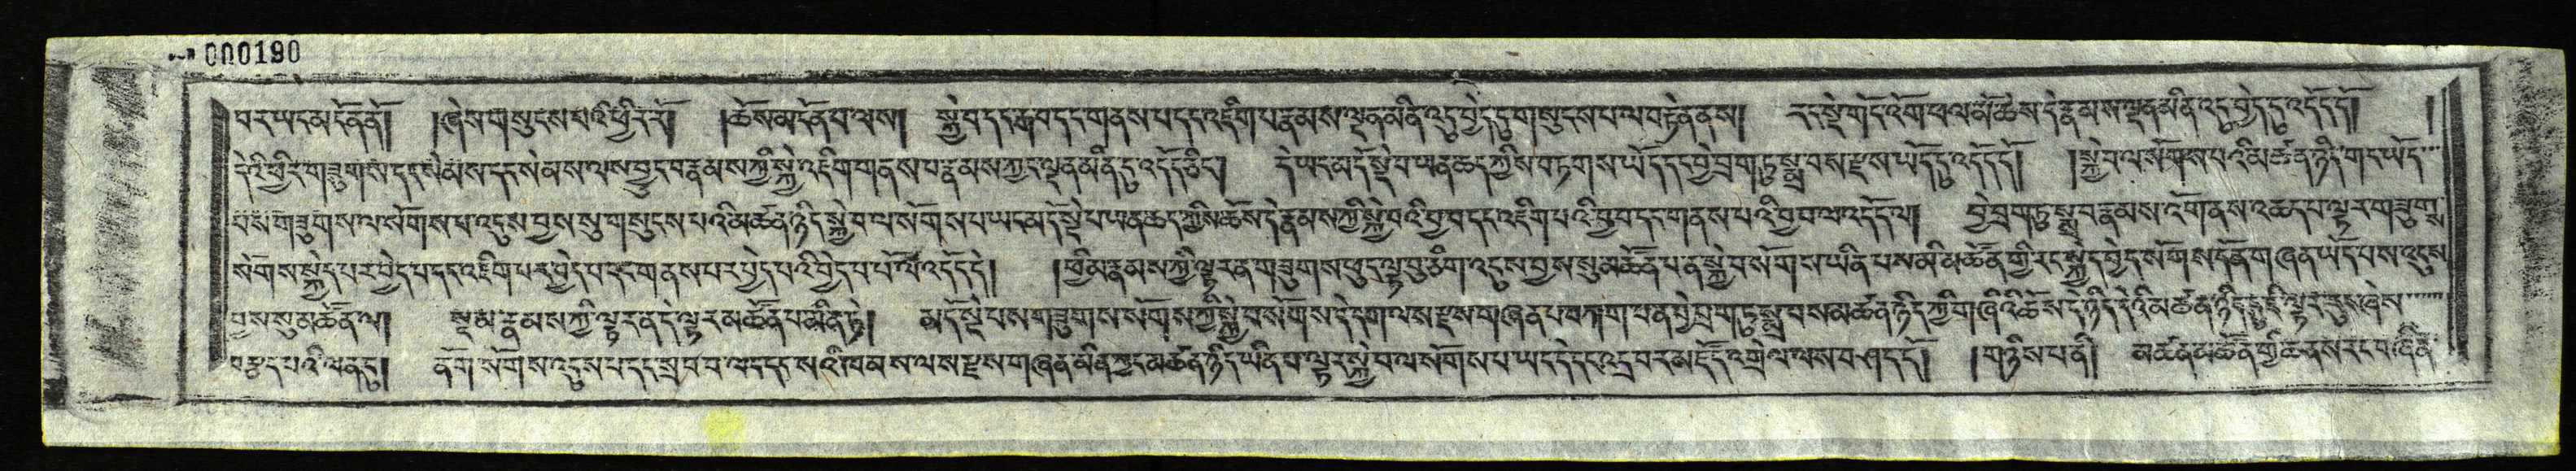པར་ཡང་མངོན་ནོ། །ཞེས་གསུངས་པའི་ཕྱིར་རོ། །ཆོས་མངོན་པ་ལས། སྐྱེ་བ་དང་རྒ་བ་དང་གནས་པ་དང་འཇིག་པ་རྣམས་ལྡན་མིན་འདུ་བྱེད་དུ་གསུངས་པ་ལ་བརྟེན་ནས། རང་སྡེ་གོང་འོག་ཕལ་མོ་ཆེས་དེ་རྣམས་ལྡན་མིན་འདུ་བྱེད་དུ་འདོད་དོ། །
དེའི་ཕྱིར་གཟུགས་དང་སེམས་དང་སེམས་ལས་བྱུང་བ་རྣམས་ཀྱི་སྐྱེ་འཇིག་གནས་པ་རྣམས་ཀྱང་ལྡན་མིན་དུ་འདོད་ཅིང་། དེ་ཡང་མདོ་སྡེ་པ་ཡན་ཆད་ཀྱིས་བཏགས་ཡོད་དང་བྱེ་བྲག་ཏུ་སྨྲ་བས་རྫས་ཡོད་དུ་འདོད་དོ། །སྐྱེ་བ་ལ་སོགས་པའི་མཚན་ཉིད་གང་ཡོད་
པས་གཟུགས་ལ་སོགས་པ་འདུས་བྱས་སུ་གསུངས་པའི་མཚན་ཉིད་སྐྱེ་སྐྱེ་བའི་བྱ་བ་དང་འཇིག་པའི་བྱ་བ་དང་གནས་པའི་བྱ་བ་ལ་འདོད་ལ། བྱེ་བྲག་ཏུ་སྨྲ་བ་རྣམས་འོག་ནས་འཆད་པ་ལྟར་གཟུགས་
སོགས་སྐྱེད་པར་བྱེད་པ་དང་འཇིག་པར་བྱེད་པ་དང་གནས་པར་བྱེད་པའི་བྱེད་པ་པོ་ལ་འདོད་དེ། །ཕྱི་མ་རྣམས་ཀྱི་ལྟར་ན་གཟུགས་ཕུང་ལྟ་བུ་ཅིག་འདུས་བྱས་སུ་མཚོན་པ་ན་སྐྱེ་བ་སོགས་ཡིན་པས་མི་མཚོན་གྱི་རང་སྐྱེད་བྱེད་སོགས་དོན་གཞན་ཡོད་པས་འདུས་
བྱས་སུ་མཚོན་ལ། སྔ་མ་རྣམས་ཀྱི་ལྟར་ན་དེ་ལྟར་མཚོན་པ་མིན་ཏེ། མདོ་སྡེ་པས་གཟུགས་སོགས་ཀྱི་སྐྱེ་བ་སོགས་དེ་དག་ལས་རྫས་གཞན་པ་བཀག་པ་ན་བྱེ་བྲག་ཏུ་སྨྲ་བས་མཚན་ཉིད་ཀྱི་གཞིའི་ཆོས་དེ་ཉིད་དེའི་མཚན་ཉིད་དུ་ཇི་ལྟར་དུས་ཞེས་
བརྩད་པའི་ལན་དུ། ནོག་སོགས་འདུས་པ་དང་སྲབ་བ་ལང་དང་སའི་ཁམས་ལས་རྫས་གཞན་མིན་ཀྱང་མཚན་ཉིད་ཡིན་པ་ལྟར་སྐྱེ་བ་ལ་སོགས་པ་ཡང་དེ་དང་འདྲ་བར་མཛོད་འགྲེལ་ལས་བཤད་དོ། །གཉིས་པ་ནི། མཚན་མཚོན་གྱི་ཆ་ནས་རང་བཞིན་